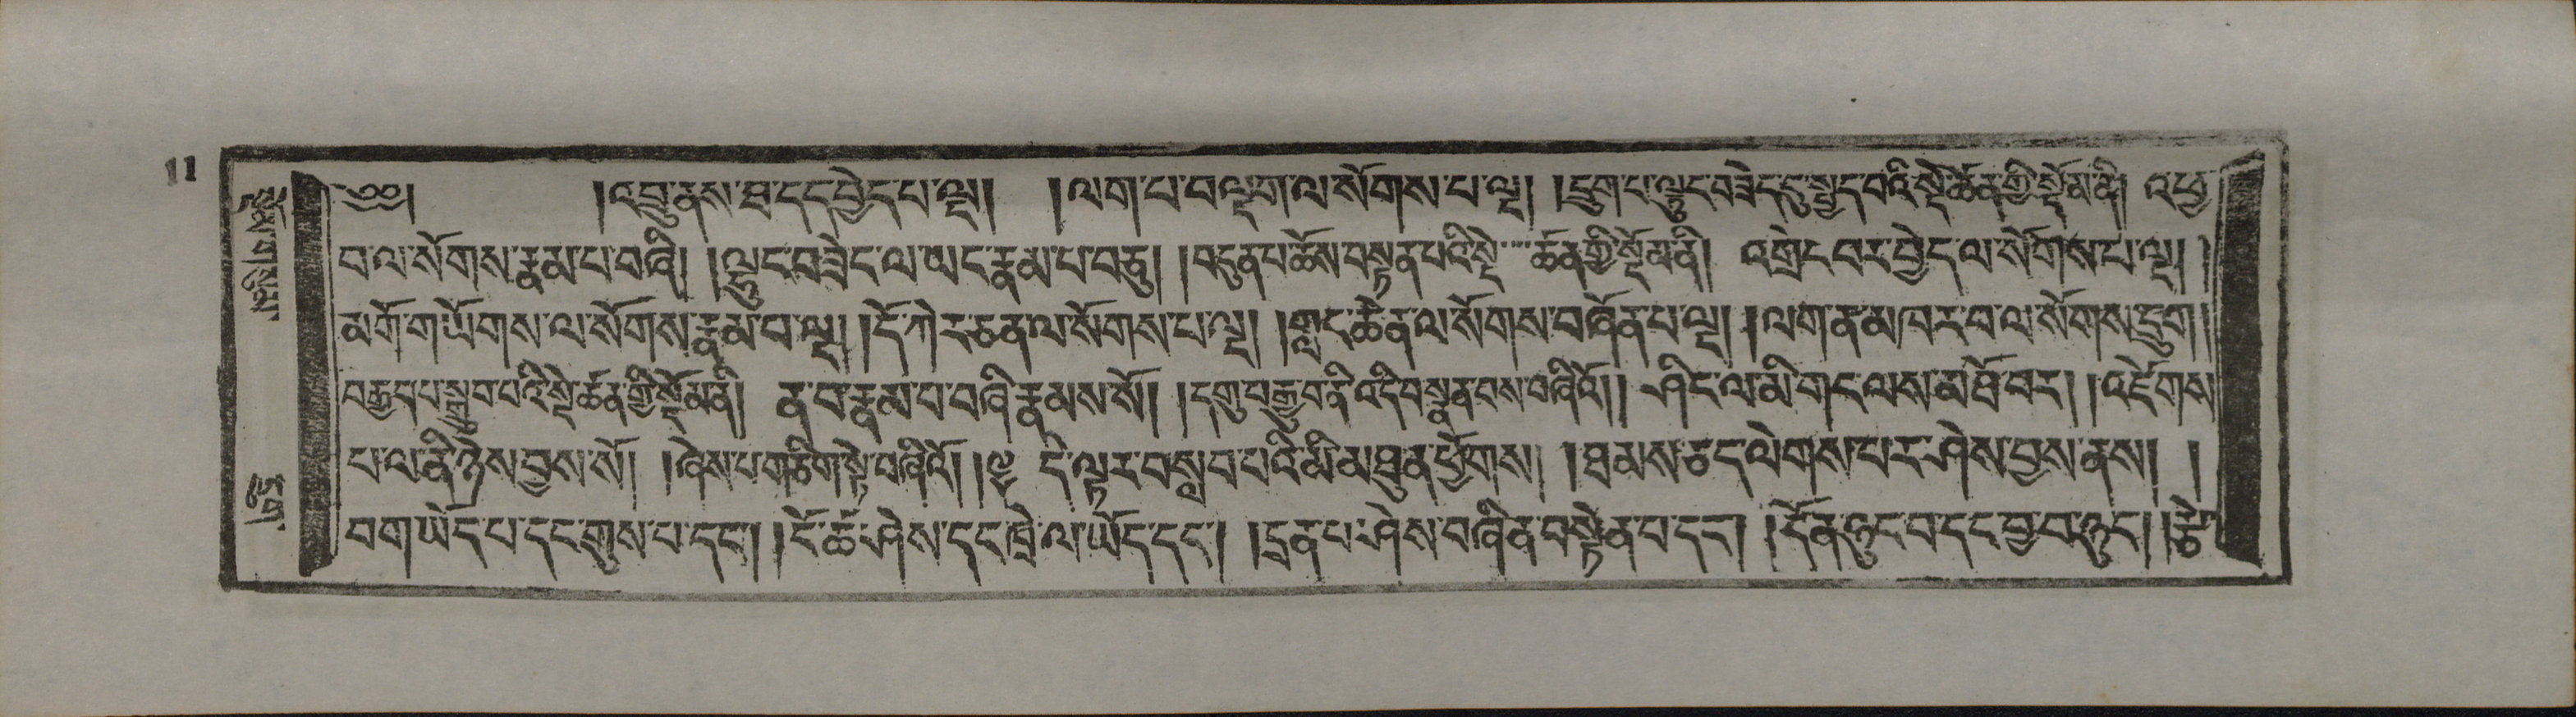༄༅། །འབྲུ་ནས་ཐ་དད་བྱེད་པ་ལྔ། །ལག་པ་བལྡག་ལ་སོགས་པ་ལྔ། །དྲུག་པ་ལྟུང་བཟེད་དུ་སྤྱད་པའི་སྡེ་ཚན་གྱི་སྡོམ་ནི།  འཕྱ་
བ་ལ་སོགས་རྣམ་པ་བཞི། །ལྷུང་བཟེད་ལ་ཡང་རྣམ་པ་བཅུ། །བདུན་པ་ཆོས་བསྟན་པའི་སྡེ་ཚན་གྱི་སྡོམ་ནི།  འགྲེང་བར་བྱེད་ལ་སོགས་པ་ལྔ། །
མགོ་གཡོགས་ལ་སོགས་རྣམ་པ་ལྔ། །དོ་ཀེར་ཅན་ལ་སོགས་པ་ལྔ། །གླང་ཆེན་ལ་སོགས་བཞོན་པ་ལྔ། །ལག་ན་མཁར་བ་ལ་སོགས་དྲུག །
བརྒྱད་པ་སྒྲུབ་པའི་སྡེ་ཚན་གྱི་སྡོམ་ནི།  ན་བ་རྣམ་པ་བཞི་རྣམས་སོ། །དགུ་པ་རྒྱུ་བ་ནི་འདི་བསྣན་པས་བཞིའོ།  །ཤིང་ལ་མི་གང་ལས་མཐོ་པར། །འཛེགས་
པ་ལ་ནི་ཉེས་བྱས་སོ། །ཞེས་པ་གཅིག་སྟེ་བཞིའོ། །༈ དེ་ལྟར་བསླབ་པའི་མི་མཐུན་ཕྱོགས། །ཐམས་ཅད་ལེགས་པར་ཤེས་བྱས་ནས། །
བག་ཡོད་པ་དང་གུས་པ་དང་། །ངོ་ཚ་ཤེས་དང་ཁྲེ་ལ་ཡོད་དང་། །དྲན་པ་ཤེས་བཞིན་བསྟོན་པ་དང་། །དོན་ཉུང་བ་དང་བྱ་བ་ཉུང་། །རྩེ་